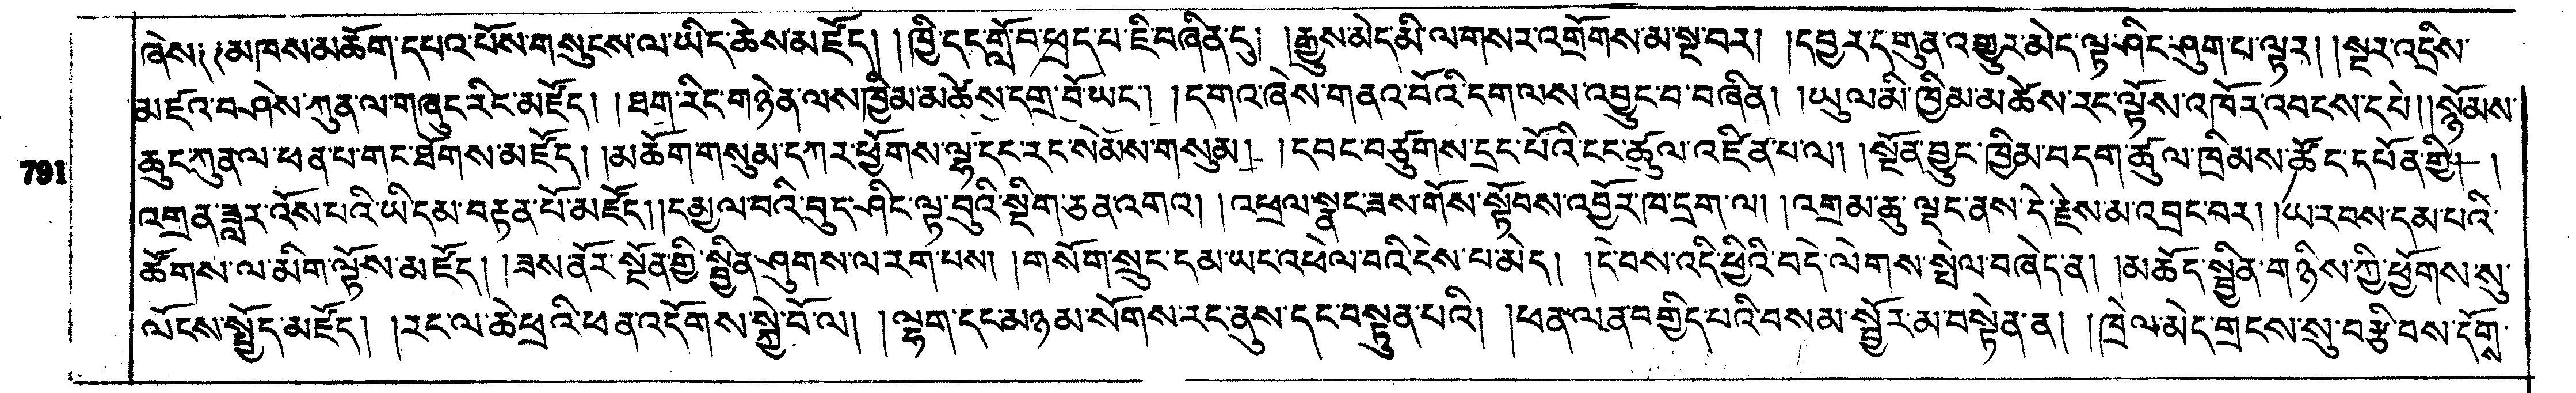ཞེས༑ ༑མཁས་མཆོག་དཔའ་པོས་གསུངས་ལ་ཡིད་ཆེས་མཛོད། །ཁྱི་དང་གློ་བ་ཕྲད་པ་ཇི་བཞིན་དུ། །རྒྱུས་མེད་མི་ལ་གསར་འགྲོགས་མ་སྔ་བར། །དབྱར་དགུན་འགྱུར་མེད་ལྟ་ཤིང་ཤུག་པ་ལྟར། །སྔར་འདྲིས་
མཛའ་བཤེས་ཀུན་ལ་གཞུང་རིང་མཛོད། །ཐག་རིང་གཉེན་ལས་ཁྱིམ་མཚེས་དགྲ་བོ་ཡང་། །དགའ་ཞེས་གནའ་བོའི་དག་ལས་འབྱུང་བ་བཞིན། །ཡུལ་མི་ཁྱིམ་མཚེས་རང་ལྟོས་འཁོར་འབངས་དཔེ། །སྙོམས་
ཆུང་ཀུན་ལ་ཕན་པ་གང་ཐོགས་མཛོད། །མཆོག་གསུམ་དཀར་ཕྱོགས་ལྷ་དང་རང་སེམས་གསུམ། །དབང་བཙུགས་དྲང་པོའི་ངང་ཚུལ་འཛིན་པ་ལ། །སྔོན་བྱུང་ཁྱིམ་བདག་ཚུལ་ཁྲིམས་ཚོང་དཔོན་གྱི།།
འགྲན་ཟླར་འོས་པའི་ཡི་དམ་བརྟན་པོ་མཛོད། །དམྱལ་བའི་བུད་ཤིང་ལྟ་བུའི་སྡིག་ཅན་འགའ། །འཕྲལ་སྣང་ཟས་གོས་སྟོབས་འབྱོར་ཁ་དྲག་ལ། །འགྲམ་ཆུ་ལྡང་ནས་དེ་རྗེས་མ་འབྲང་བར། །ཡ་རབས་དམ་པའི་
ཚོགས་ལ་མིག་ལྟོས་མཛོད། །ཟས་ནོར་སྔོན་གྱི་སྦྱིན་ཤུགས་ལ་རག་པས། །གསོག་སྲུང་དམ་ཡང་འཕེལ་བའི་ངེས་པ་མེད། །དེ་བས་འདི་ཕྱིའི་བདེ་ལེགས་སྤེལ་བཞེད་ན། །མཆོད་སྦྱིན་གཉིས་ཀྱི་ཕྱོགས་སུ་
ལོངས་སྤྱོད་མཛོད། །རང་ལ་ཆེ་ཕྲའི་ཕན་འདོགས་སྐྱེ་བོ་ལ། །ལྷག་དང་མཉམ་སོགས་རང་ནུས་དང་བསྟུན་པའི། །ཕན་ལན་བགྱིད་པའི་བསམ་སྦྱོར་མ་བསྟེན་ན། །ཁྲེལ་མེད་གྲངས་སུ་བརྩི་བས་དོགས་